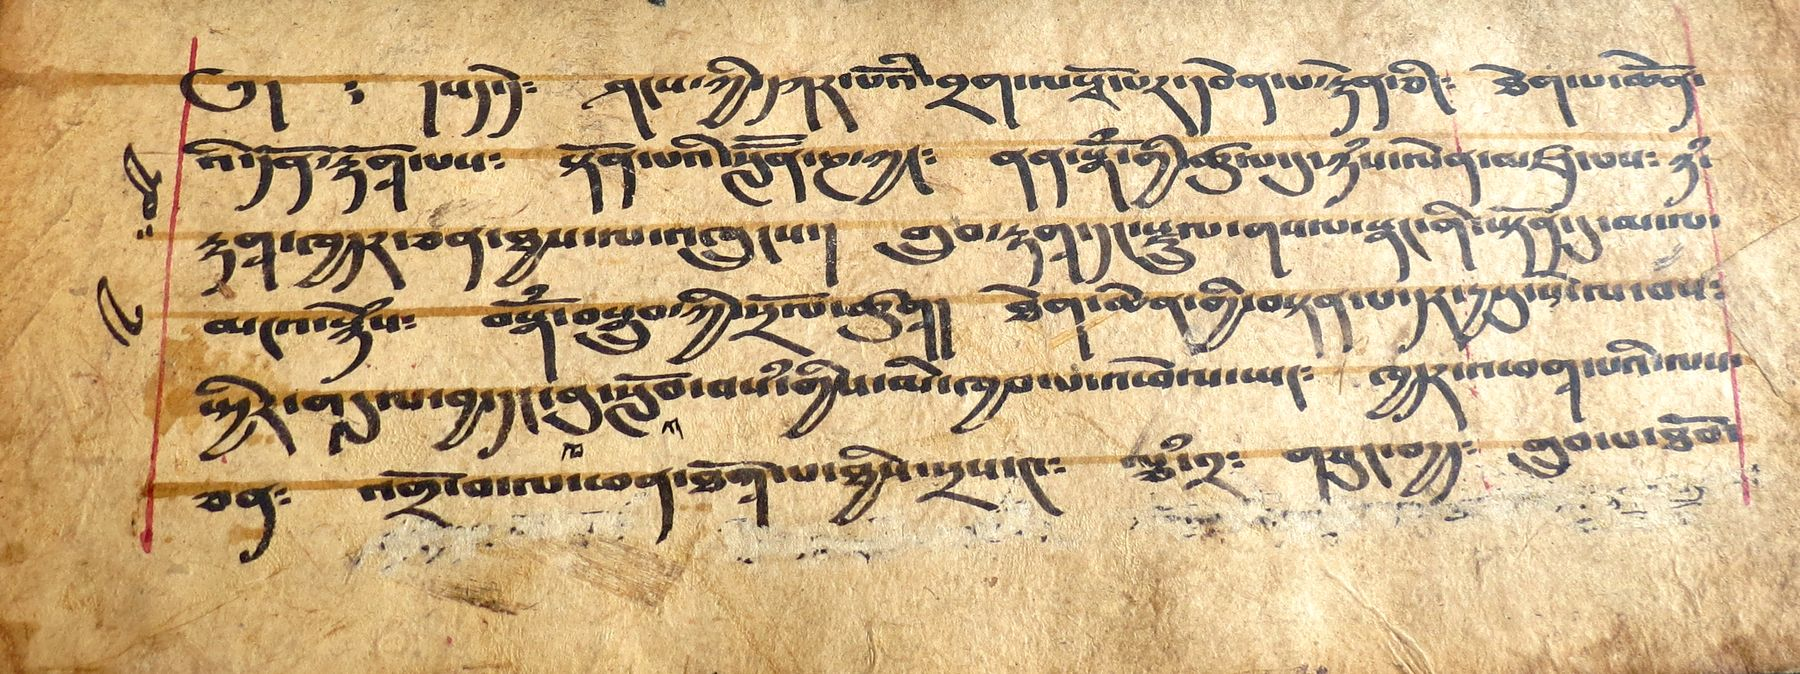སད་དེ། ཤངས་ཀྱི་དཀར་པོའི་བྲག་ལ་སོགས་པར་དབེན་པ་བསྟེན་ཅིང་། ཐེག་པ་ཆེན་
པོའི་དོན་རྟོགས་པས། སྟོན་པའི་སློབ་དཔོན་མེད་ཀྱང་། ནན་སྒོམ་གྱི་ཚུལ་དུ་ཉམས་ལེན་མཛད་པས། ཉམས་
རྟོགས་ཁྱད་པར་ཅན་ཐུགས་ལ་འཁྲུངས། གྲུབ་རྟགས་དང་རྫུ་འཕྲུལ་གསལ་སྣང་གི་ཡོན་ཏན་དུ་མ་ལ་
མངའ་བསྙེམས། སྒོམ་སྒྲུབ་ཀྱི་སྲོལ་བཙུགས། ཐེག་ཆེན་གྱི་བསྟན་པ་དར་རྒྱས་སུ་འཕེལ་བས། 
སྤྱིར་གདུལ་བྱ་དང་བུ་སློབ་བསམ་གྱིས་མི་ཁྱབ་པ་འཕེལ་ཀྱང་། ཁྱད་པར་འཕགས་པའི་ལས་
ཅན། འགྲོ་བ་ལ་ཕན་ཐོགས་པ། ཐུགས་ཀྱི་སྲས་བཞི། ལྕམ་གཉིས། གཅུང་བརྒྱད་ གྲུབ་པ་ཐོབ།